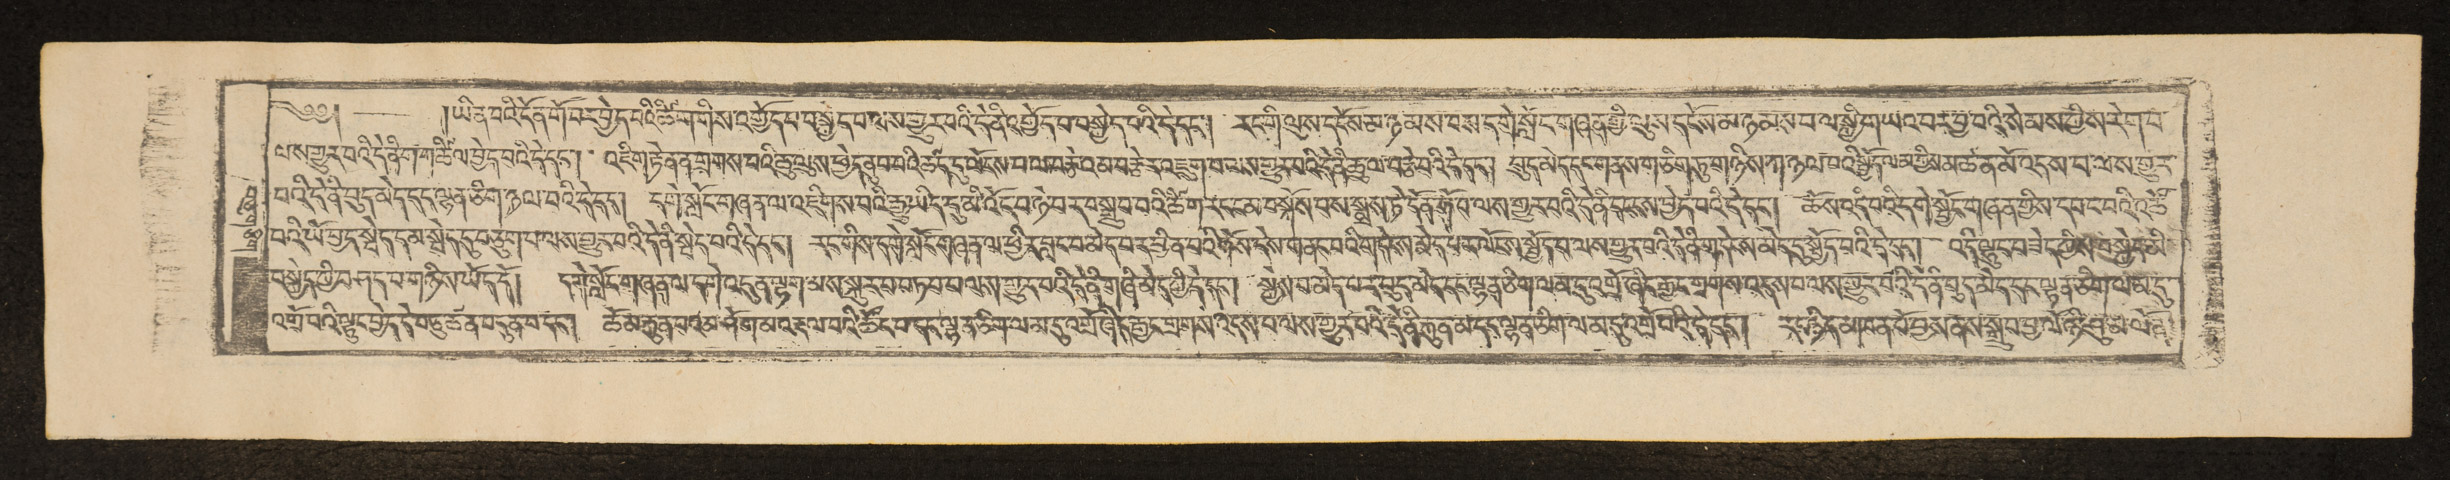༄༅། །ཡིན་པའི་དོན་གོ་བར་བྱེད་བའི་ཚིག་གིས་འགྱོད་པ་བསྐྱེད་པ་ལས་གྱུར་བའི་དེ་ནི་འགྱོད་པ་བསྐྱེད་པའི་དེ་དང་། རང་གི་ལུས་དངོས་མ་ཉམས་པས་དགེ་སློང་གཞན་གྱི་ལུས་དངོས་མ་ཉམས་པ་ལ་སྐྱི་གཡའ་བར་བྱ་བའི་སེམས་ཀྱིས་རེག་པ་
ལས་གྱུར་བའི་དེ་ནི་གག་ཚིལ་བྱེད་པའི་དེ་དང་། འཇིག་རྟེན་ན་གྲགས་པའི་ཆུ་ལུས་ཕྱེད་ནུབ་པའི་ཚད་དུ་ལོངས་པ་ལ་བརྩེའམ་བརྩེར་འཇུག་པ་ལས་གྱུར་བའི་དེ་ནི་ཆུ་ལ་བརྩེ་བའི་དེ་དང་། བུད་མེད་དང་གནས་གཅིག་ཏུ་གཉིས་ཀ་ཉལ་བའི་སྤྱོད་ལམ་གྱིས་མཆེན་མོ་འདས་པ་ལས་གྱུར་
བའི་དེ་ནི་བུད་མེད་དང་ལྷན་ཅིག་ཉལ་བའི་དེ་དང་། དགེ་སློང་གཞན་ལ་འཇིགས་པའི་རྒྱུ་ཡིད་དུ་མི་འོང་བ་ཉེ་བར་བསྒྲུབ་པའི་ཆོག་རང་དམ་བསྐོས་པས་སྨྲས་ཏེ་དོན་གོ་བ་ལས་གྱུར་བའི་དེ་ནི་དངངས་བྱེད་པའི་དེ་དང་། ཆོས་འདི་བའི་དགེ་སྦྱོང་གཞན་གྱིས་དབང་པའི་འཚོ་
བའི་ཡོ་བྱད་སྦེད་དམ་སྦེད་དུ་བཅུག་པ་ལས་བྱུང་བའི་དེ་ནི་སྦེད་བའི་དེ་དང་། རང་གིས་དགེ་སློང་གཞན་ལ་ཕྱིར་བླང་བ་མེད་པར་བྱིན་པའི་གོས་དེས་གནང་པའི་གདེངས་མེད་པར་ལོངས་སྤྱོད་པ་ལས་གྱུར་བའི་དེ་ནི་གདེངས་མེད་དུ་སྤྱོད་པའི་དེ་དང་། འདི་ལྷུང་བཟེད་ཀྱིས་བསྐྱེད་མི་
བསྐྱེད་ཀྱི་བཤད་པ་གཉིས་ཡོད་དོ། དགེ་སློང་གཞན་ལ་དགེ་འདུན་ལྷག་མས་སྐུར་བ་བཏབ་པ་ལས་གྱུར་བའི་དེ་ནི་གཞི་མེད་ཀྱི་དེ་དང་། སྐྱེས་པ་མེད་པར་བུད་མེད་དང་ལྷན་ཅིག་ལམ་དུ་འགྲོ་ཞིང་རྒྱང་གྲགས་འདས་པ་ལས་གྱུར་བའི་དེ་ནི་བུད་མེད་དང་ལྷན་ཅིག་ལམ་དུ་
འགྲོ་བའི་ལྟུང་བྱེད་དེ་བཅུ་ཚན་བདུན་པ་དང་། ཆོམ་རྐུན་པའམ་ཤོག་མ་བརྡལ་བའི་ཚོང་པ་དང་ལྷན་ཅིག་ལམ་དུ་འགྲོ་ཞིང་རྒྱང་གྲགས་འདས་པ་ལས་གྱུར་བའི་དེ་ནི་རྐུན་མ་དང་ལྷན་རིག་ལམ་དུ་འགྲོ་བའི་དེ་དང་། རང་ཉིད་མཁན་པོ་བྱས་ནས་སྒྲུབ་བྱ་ལོ་ཉི་ཤུ་མ་ལོན་